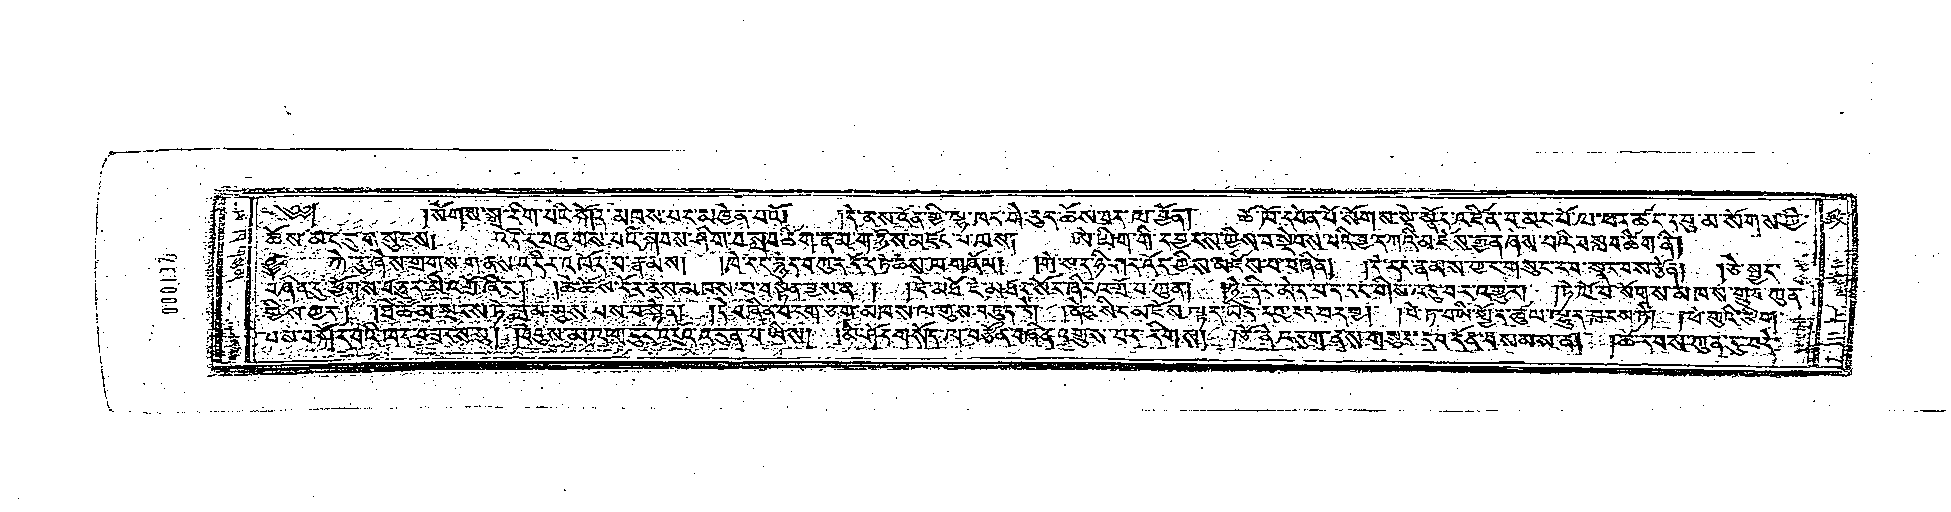༄༅། །སོགས་སྒྲ་རིག་པའི་སྐོར་མཁས་པར་མཁྱེན་པའོ། །དེ་ནས་འོན་གྱི་ལྷ་ཁང་གེ་རུང་ཆོས་བར་ལ་བྱོན། ཚེ་ཁོ་དབེན་པོ་སོགས་སྡེ་སྣོད་འཛིན་པ་མང་པོ་ལ་ཕར་ཚར་དབུ་མ་སོགས་ཀྱི་
ཆོས་མང་དུ་གསུངས། འདིར་བཞུགས་པའི་སྐབས་ཤིག་བ་སླབ་ཚིག་རྣམ་གཉིས་མཛད་པ་ལས། ཨེ་ཡིག་གི་དབྱངས་ཀྱིས་བསྡེབས་པའི་བྱ་དཀའི་མཛེས་རྒྱན་ཞེས་པའི་བསླབ་ཚིག་ནི།
༈ ཀེ་རུ་ཞེས་གྲགས་གནས་འདིར་འཁོར་པ་རྣམས། །ཁེ་དང་རྙེད་བཀུར་དོར་ཏེ་ཆོས་ལ་གཞོལ། །གེ་སར་ཉི་ཤར་འོད་ཀྱིས་མཛེས་པ་བཞིན། །དེ་དང་རྣམས་ཀྱང་གསུང་རབ་སྣར་བས་རྩོན། །ཅེ་སྦྱང་
བཞིན་དུ་ཕྱོགས་བཅུར་མི་འགྲོ་ཞིང་། །ཆེ་ཚེས་དོར་ནས་མཁས་པ་བསྟེན་བྱས་ན། །ཇེ་མཐོ་ཇེ་མཐར་སོང་ཞིང་འགྲོ་བ་ཀུན། །ཉེ་དིང་མེད་པར་དང་གིས་འདུ་བར་འགྱུར། །ཏེ་ལོ་བ་སོགས་མཁས་གྲུབ་ཀུན་
གྱིས་ཀྱང་། །ཐེ་ཚོམ་སྡངས་ཏེ་བླ་མ་གུས་པས་བསྟེན། །དེ་བཞིན་བདག་ཅག་མཁས་ལ་གུས་བཏུད་དེ། །ནེའུ་སིང་མཛེས་ལྟར་ཡིད་རབ་རང་བར་བྱ། །པེ་ཏ་བ་ཡི་སྤྱོད་ཚུལ་ལྷུར་བླངས་ཏེ། །ཕེ་གུའི་རྩིག་
པས་བསྐོར་བའི་ཁད་བཟངས་སྟེ། །བེའུས་མ་ལ་གདུང་འདྲའི་འདུན་པ་ཡིས། །མེ་ཤོར་གསོད་ལ་པ་རྩོན་བཞིན་འགྲུས་བད་རིགས། །ཙེ་ནེ་འདུག་ནས་གསུང་རབ་དོན་བསམས་ན། །ཚེ་རབས་ཀུན་དུ་བདེ་